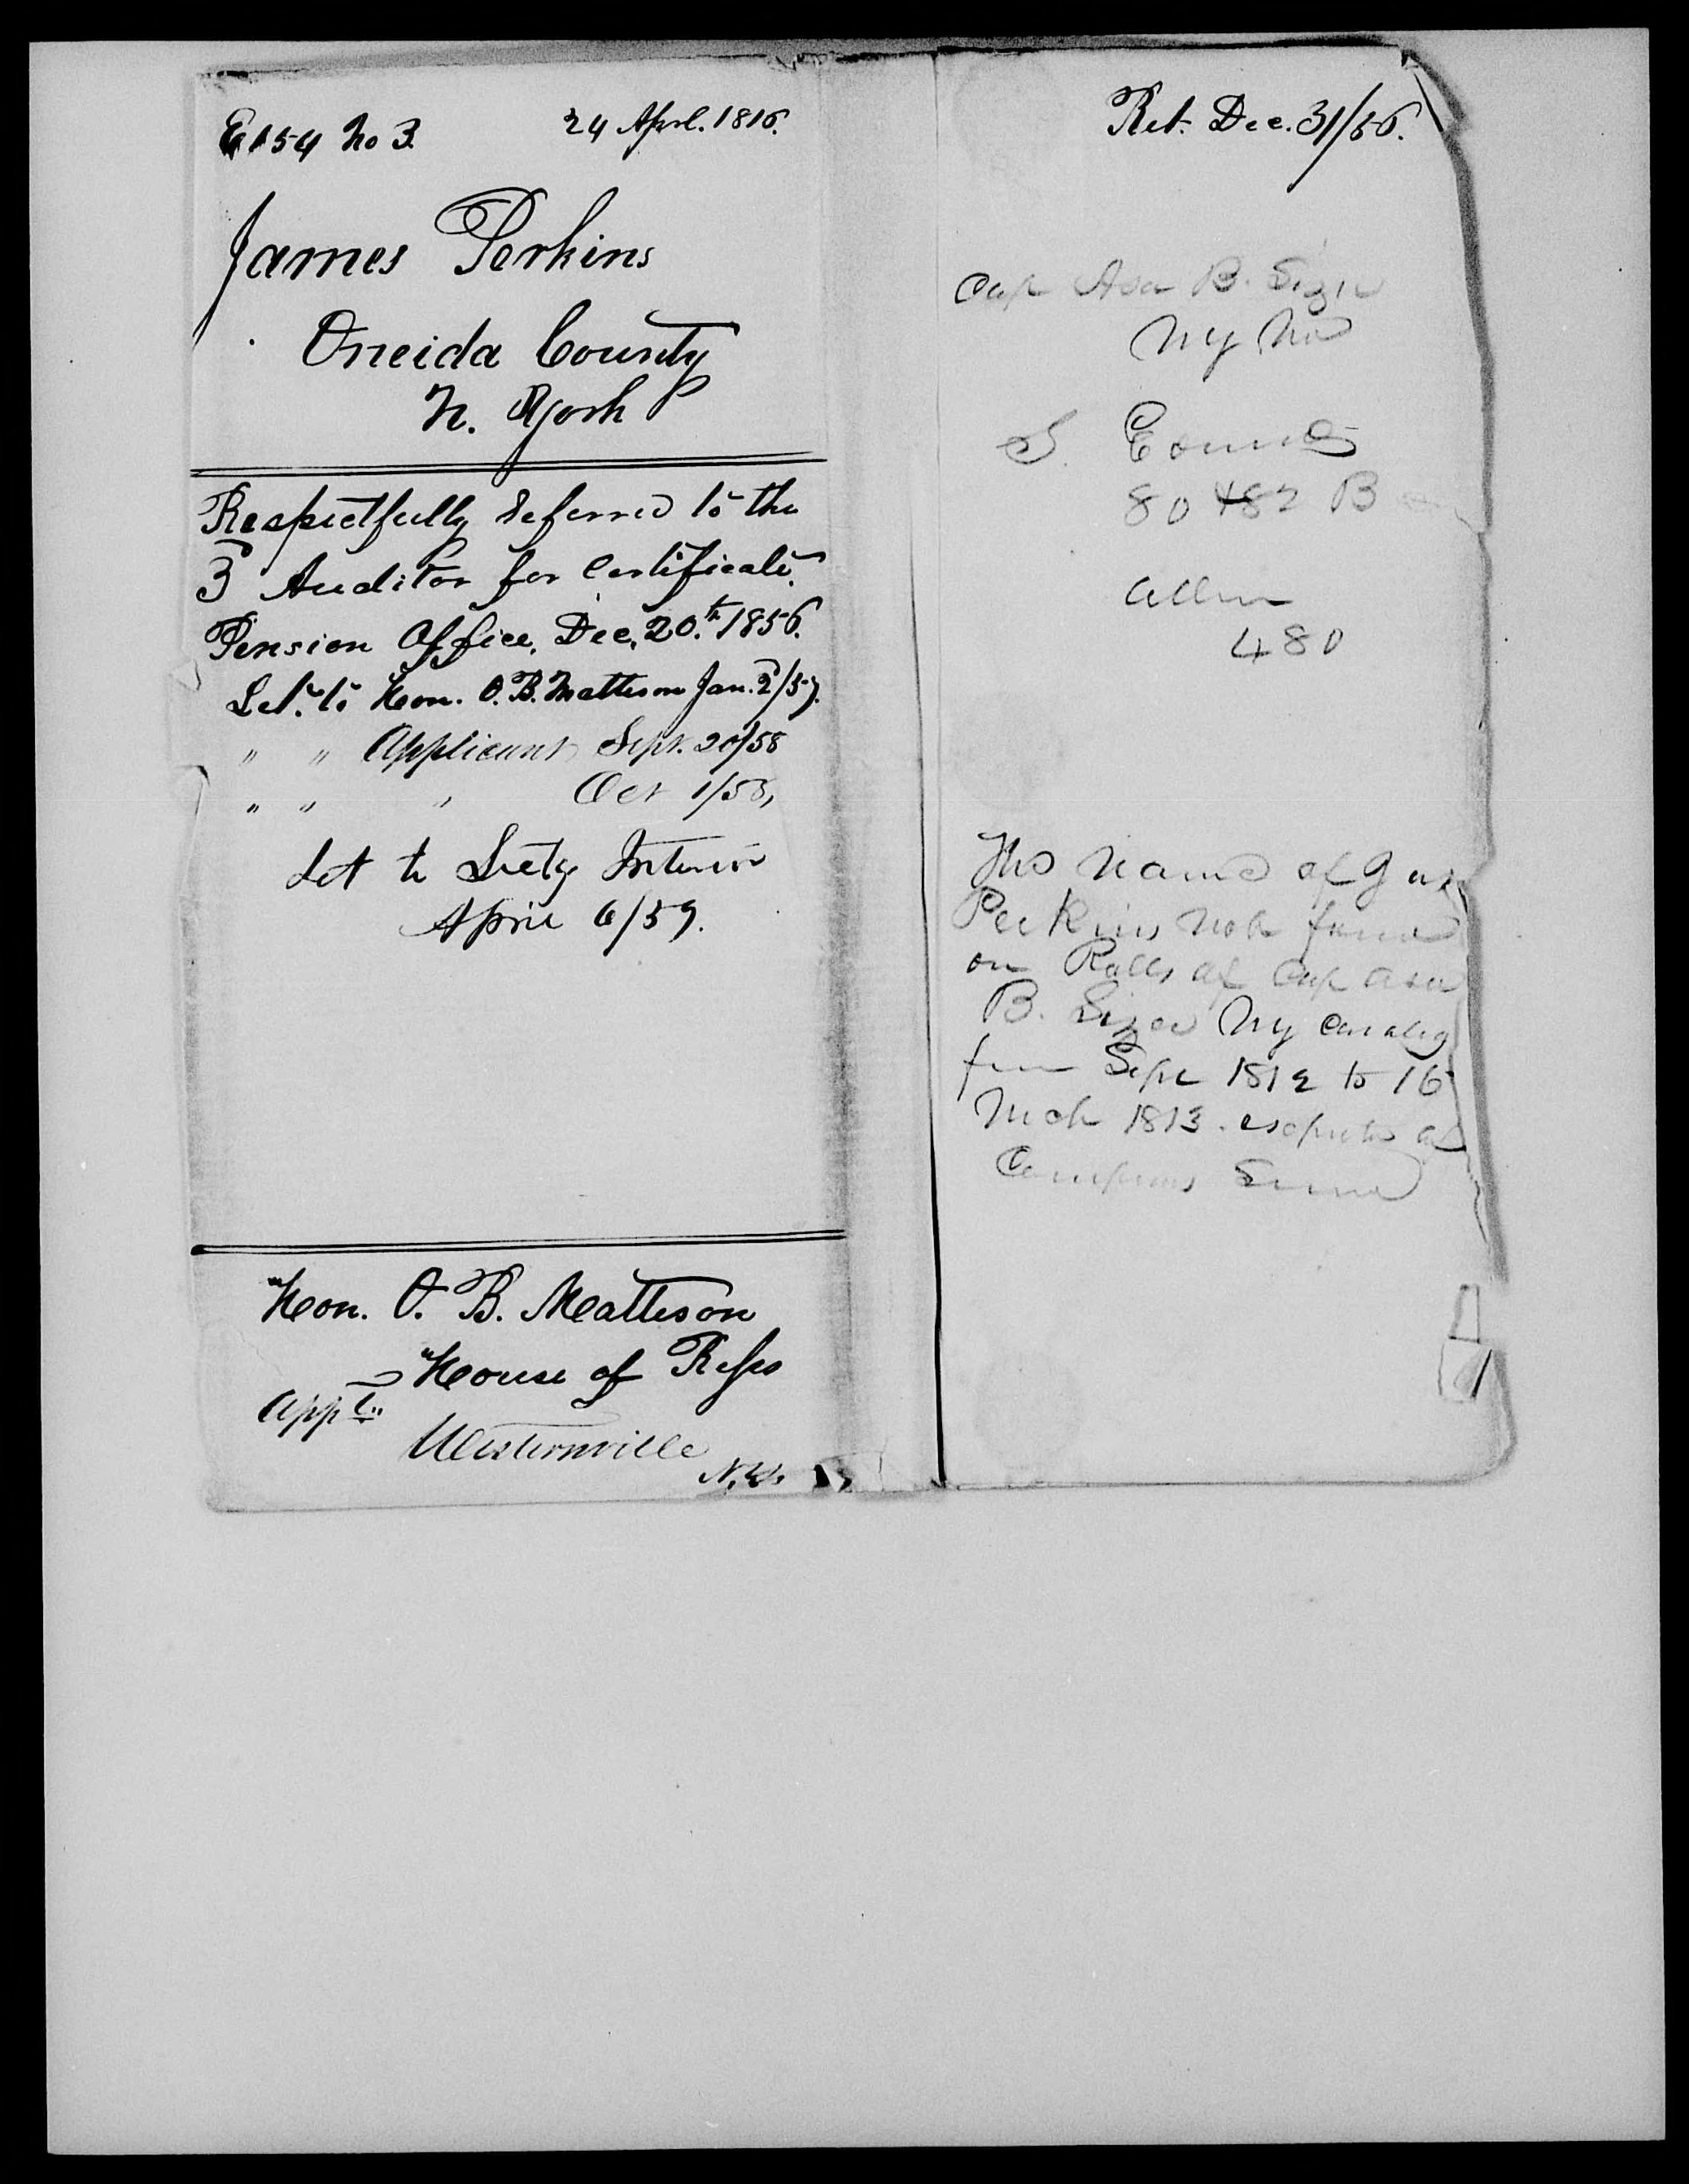E154 No 3   24 April 1816. 
James Perkins 
Oneida County 
N. York 
Respectfully referred to the 3d Auditor for certificate. Pension Office Dec 20th 1856. 
Let to Hon. O. B. Matteson Jan 2d/57 
Let to Applicant Sept. 20/58 
Let to Applicant Oct 1/58, 
Let to Secy Interior April 6/59 
Hon. O. B. Mattison – 
House of Reps 
Appt - Westernville N.Y.

Ret. Dec. 31/56.
Cap Asa B. Sizer MY Ma
S. Edwards
80 & 82 B 
Allen 480 
The name of Jas Perkins not found on Rolls of [illegible, Capt?] Asa B. Sizer NY [illegible] from Sept 1812 to 16 Mch 1813, expected [illegible, as confirms?] Service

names: Jas Perkins; O B Matteson; Asa B Sizer; James Perkins; S Edwards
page: 22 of 44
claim: rejected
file: R. 17,033, for Joseph Perkins, New York